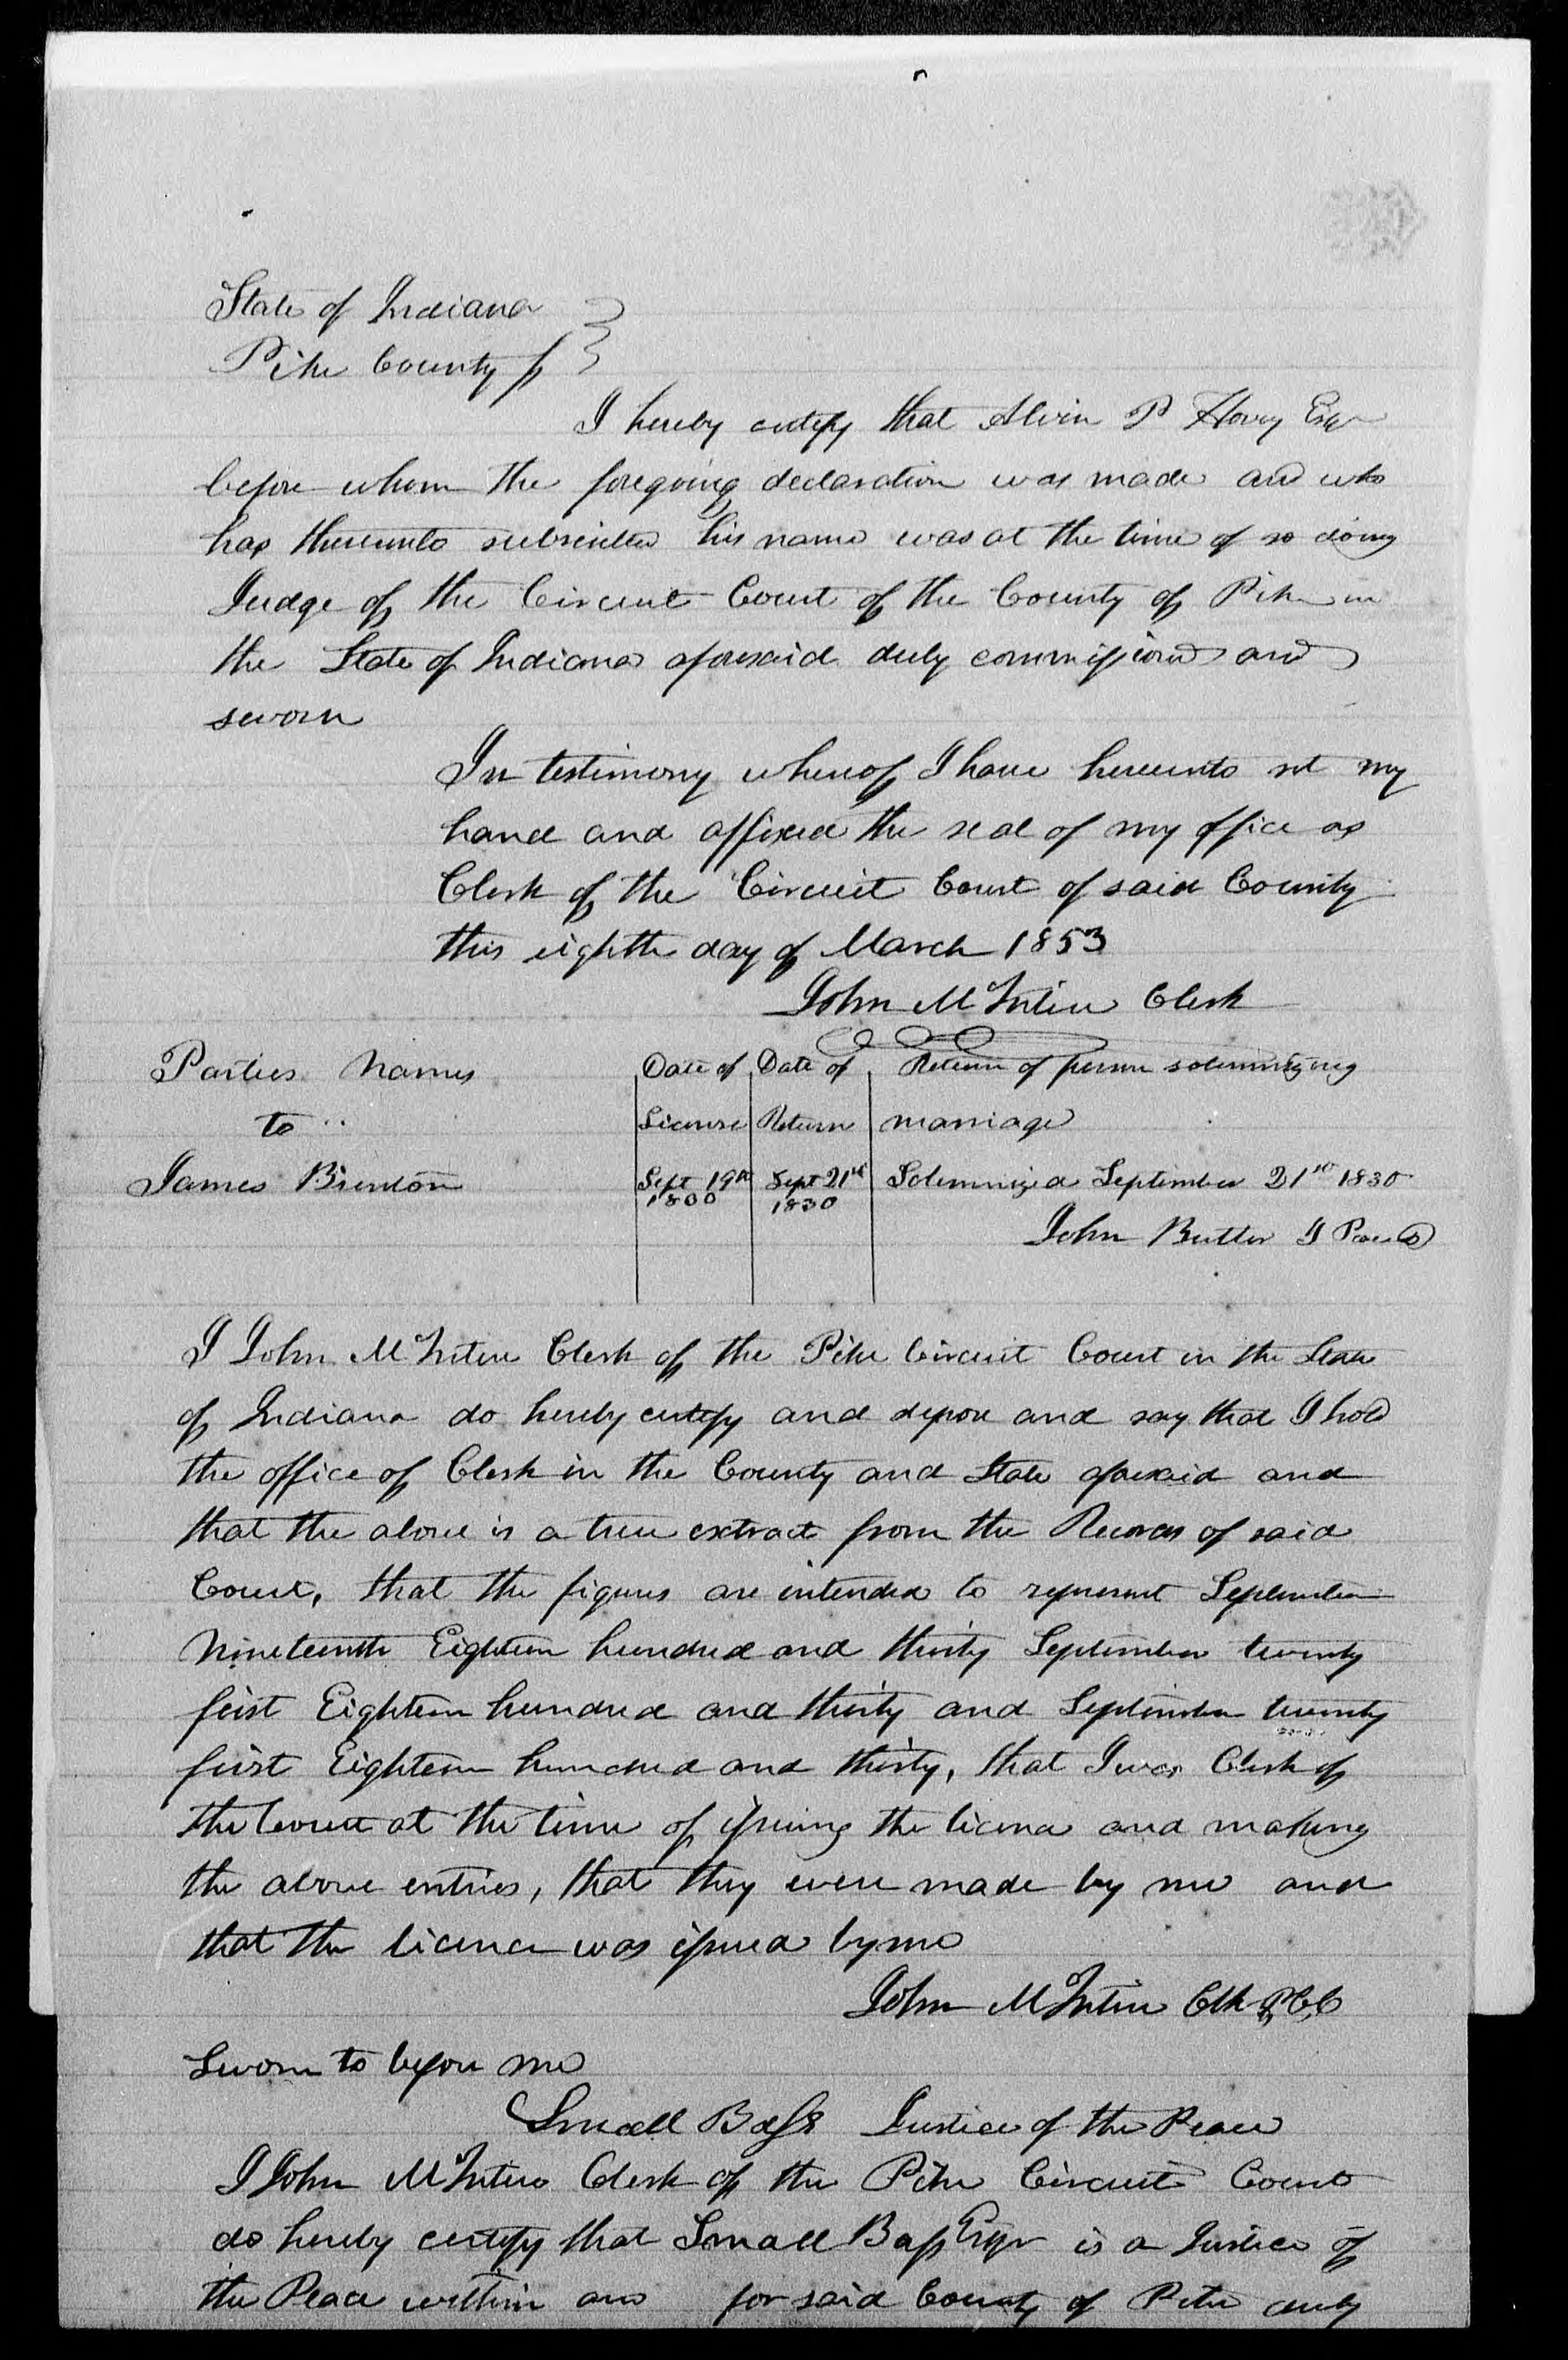State of Indiana}
Pike County}
I hereby certify that Alvin P Hovey Esq before whom the foregoing declaration was made and who has hereunto subscribed his name was at the time of so doing Judge of the Circuit Court of the County of Pike in the State of Indiana aforesaid duly commissioned and sworn

In testimony whereof I have hereunto set my hand and affixed the seal of my office as Clerk of the Circuit Court of said County this eighth day of March 1853 
John McIntire Clerk

Parties Named to James Brenton: Date of License Sept 19th1800 -- Date of Return Sept 21st 1930 --- Return of Perm. solemnizing marriage -- Solemnizing September 21st 1830
John Butler [illegible]

I John McIntire Clerk of the Pike Circuit Court in the State of Indiana do hereby certify and depose and say that I hold the office of Clerk in the County and State aforesaid and that the above is at true extract from the Records of said Court, that the figures are intended to represent September nineteenth eighteen hundred and thirty September twenty first Eighteen hundred and thirty, that I was Clerk of the Court at the time of issuing the license and making the above entries, that they were made by me and that the license was issued by me
John McIntire Clerk of C C

Sworn to before me
Small Bass Justice of the Peace I John McIntire Clerk of the Pike Circuit Court do hereby certify that Small Bass is a Justice of the Peace within and for said County of Pike and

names: John Butler, James Brenton, Small Bass, John Mc Intire, John Mc Intire, John Mc Intire, John Mc Intire, Alvin P Hovey, Small Bass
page: 45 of 49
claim: widow's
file: W. 2518, James Brenton, Va.